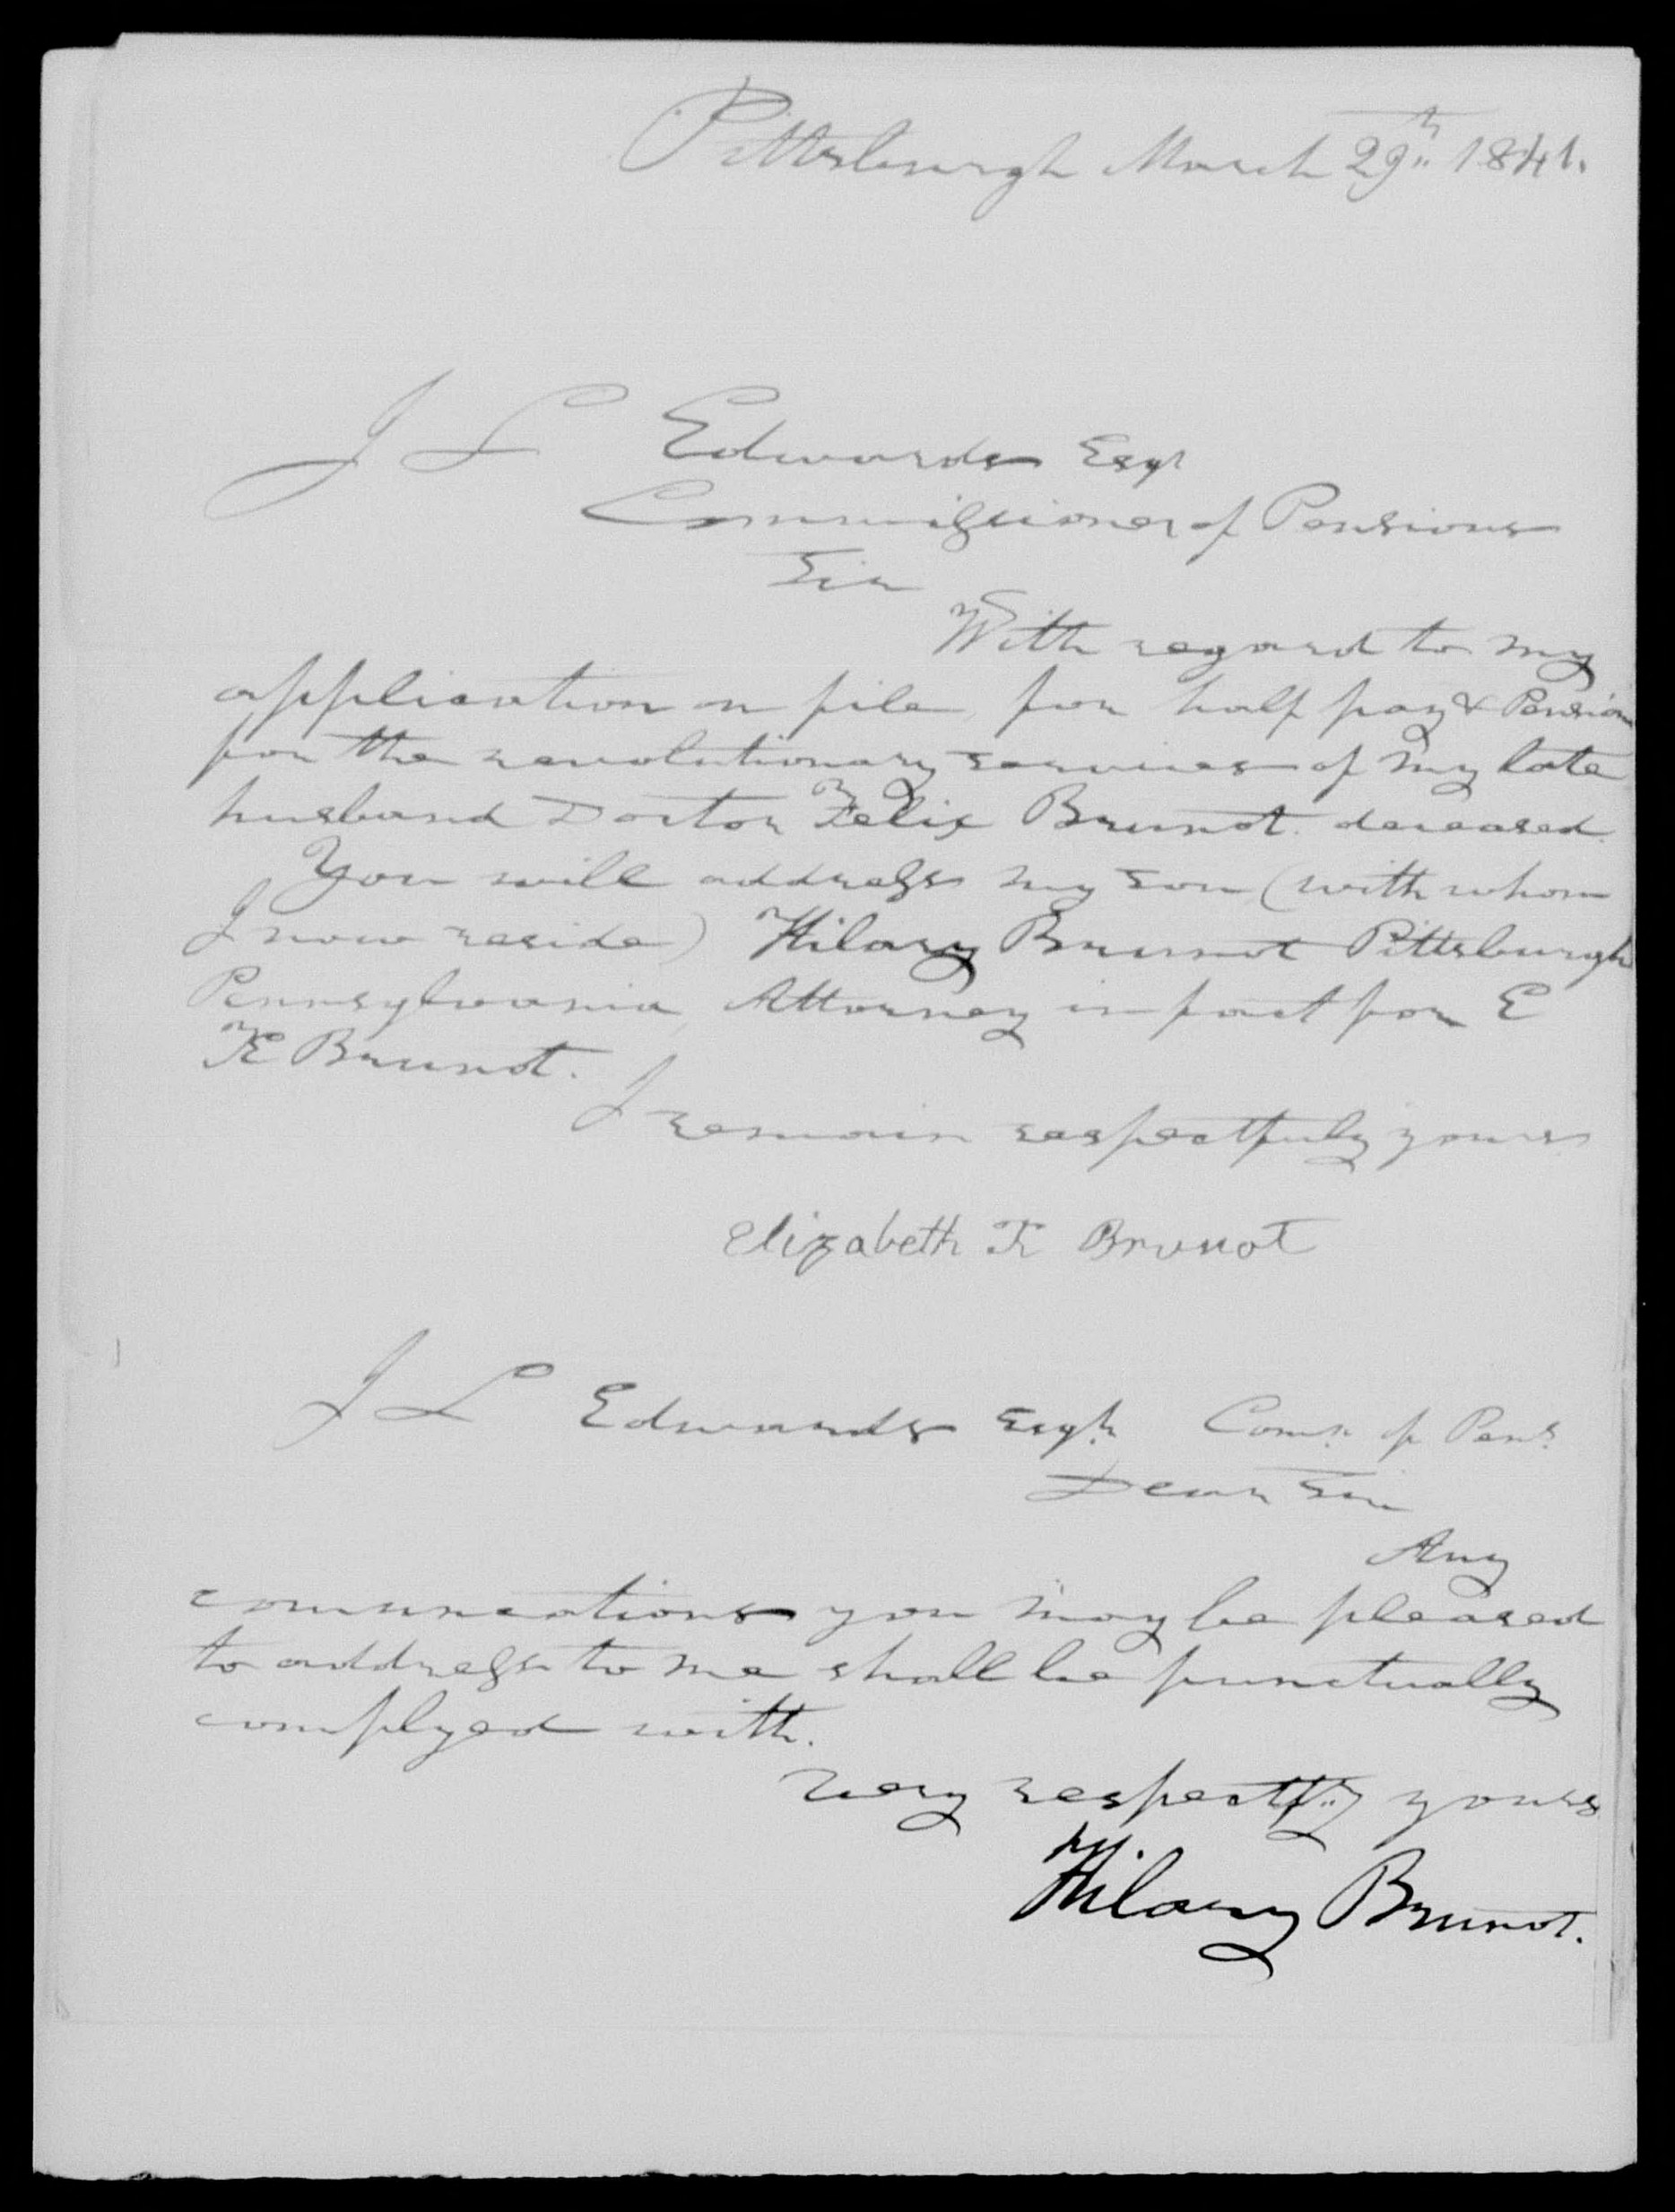Pittsburgh March 29th 1841
J L Edwards Esq
Commissioner of Pensions
Sir
With regard to my
application on file for half pay & pension
for the revolutionary services of my late
husband Doctor Felix Brunot deceased
You will address my son (with whom
I now reside) Hilary Brunot Pittsburgh
Pennsylvania, Attorney in fact for E
K Brunot.
I remain respectfully yours
Elizabeth K Brunot
J L Edwards Esq Comm of Pens
Dear Sir
Any
communication you may be pleased
to address to me shall be punctually
complyed with
Very respectfully yours
Hilary Brunot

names: Felix Brunot, Elizabeth K Brunot, E K Brunot, J L Edwards, Hilary Brunot, Hilary Brunot, J L Edwards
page: 34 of 34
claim: rejected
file: R. 1371, Felix Brunot, Penn.